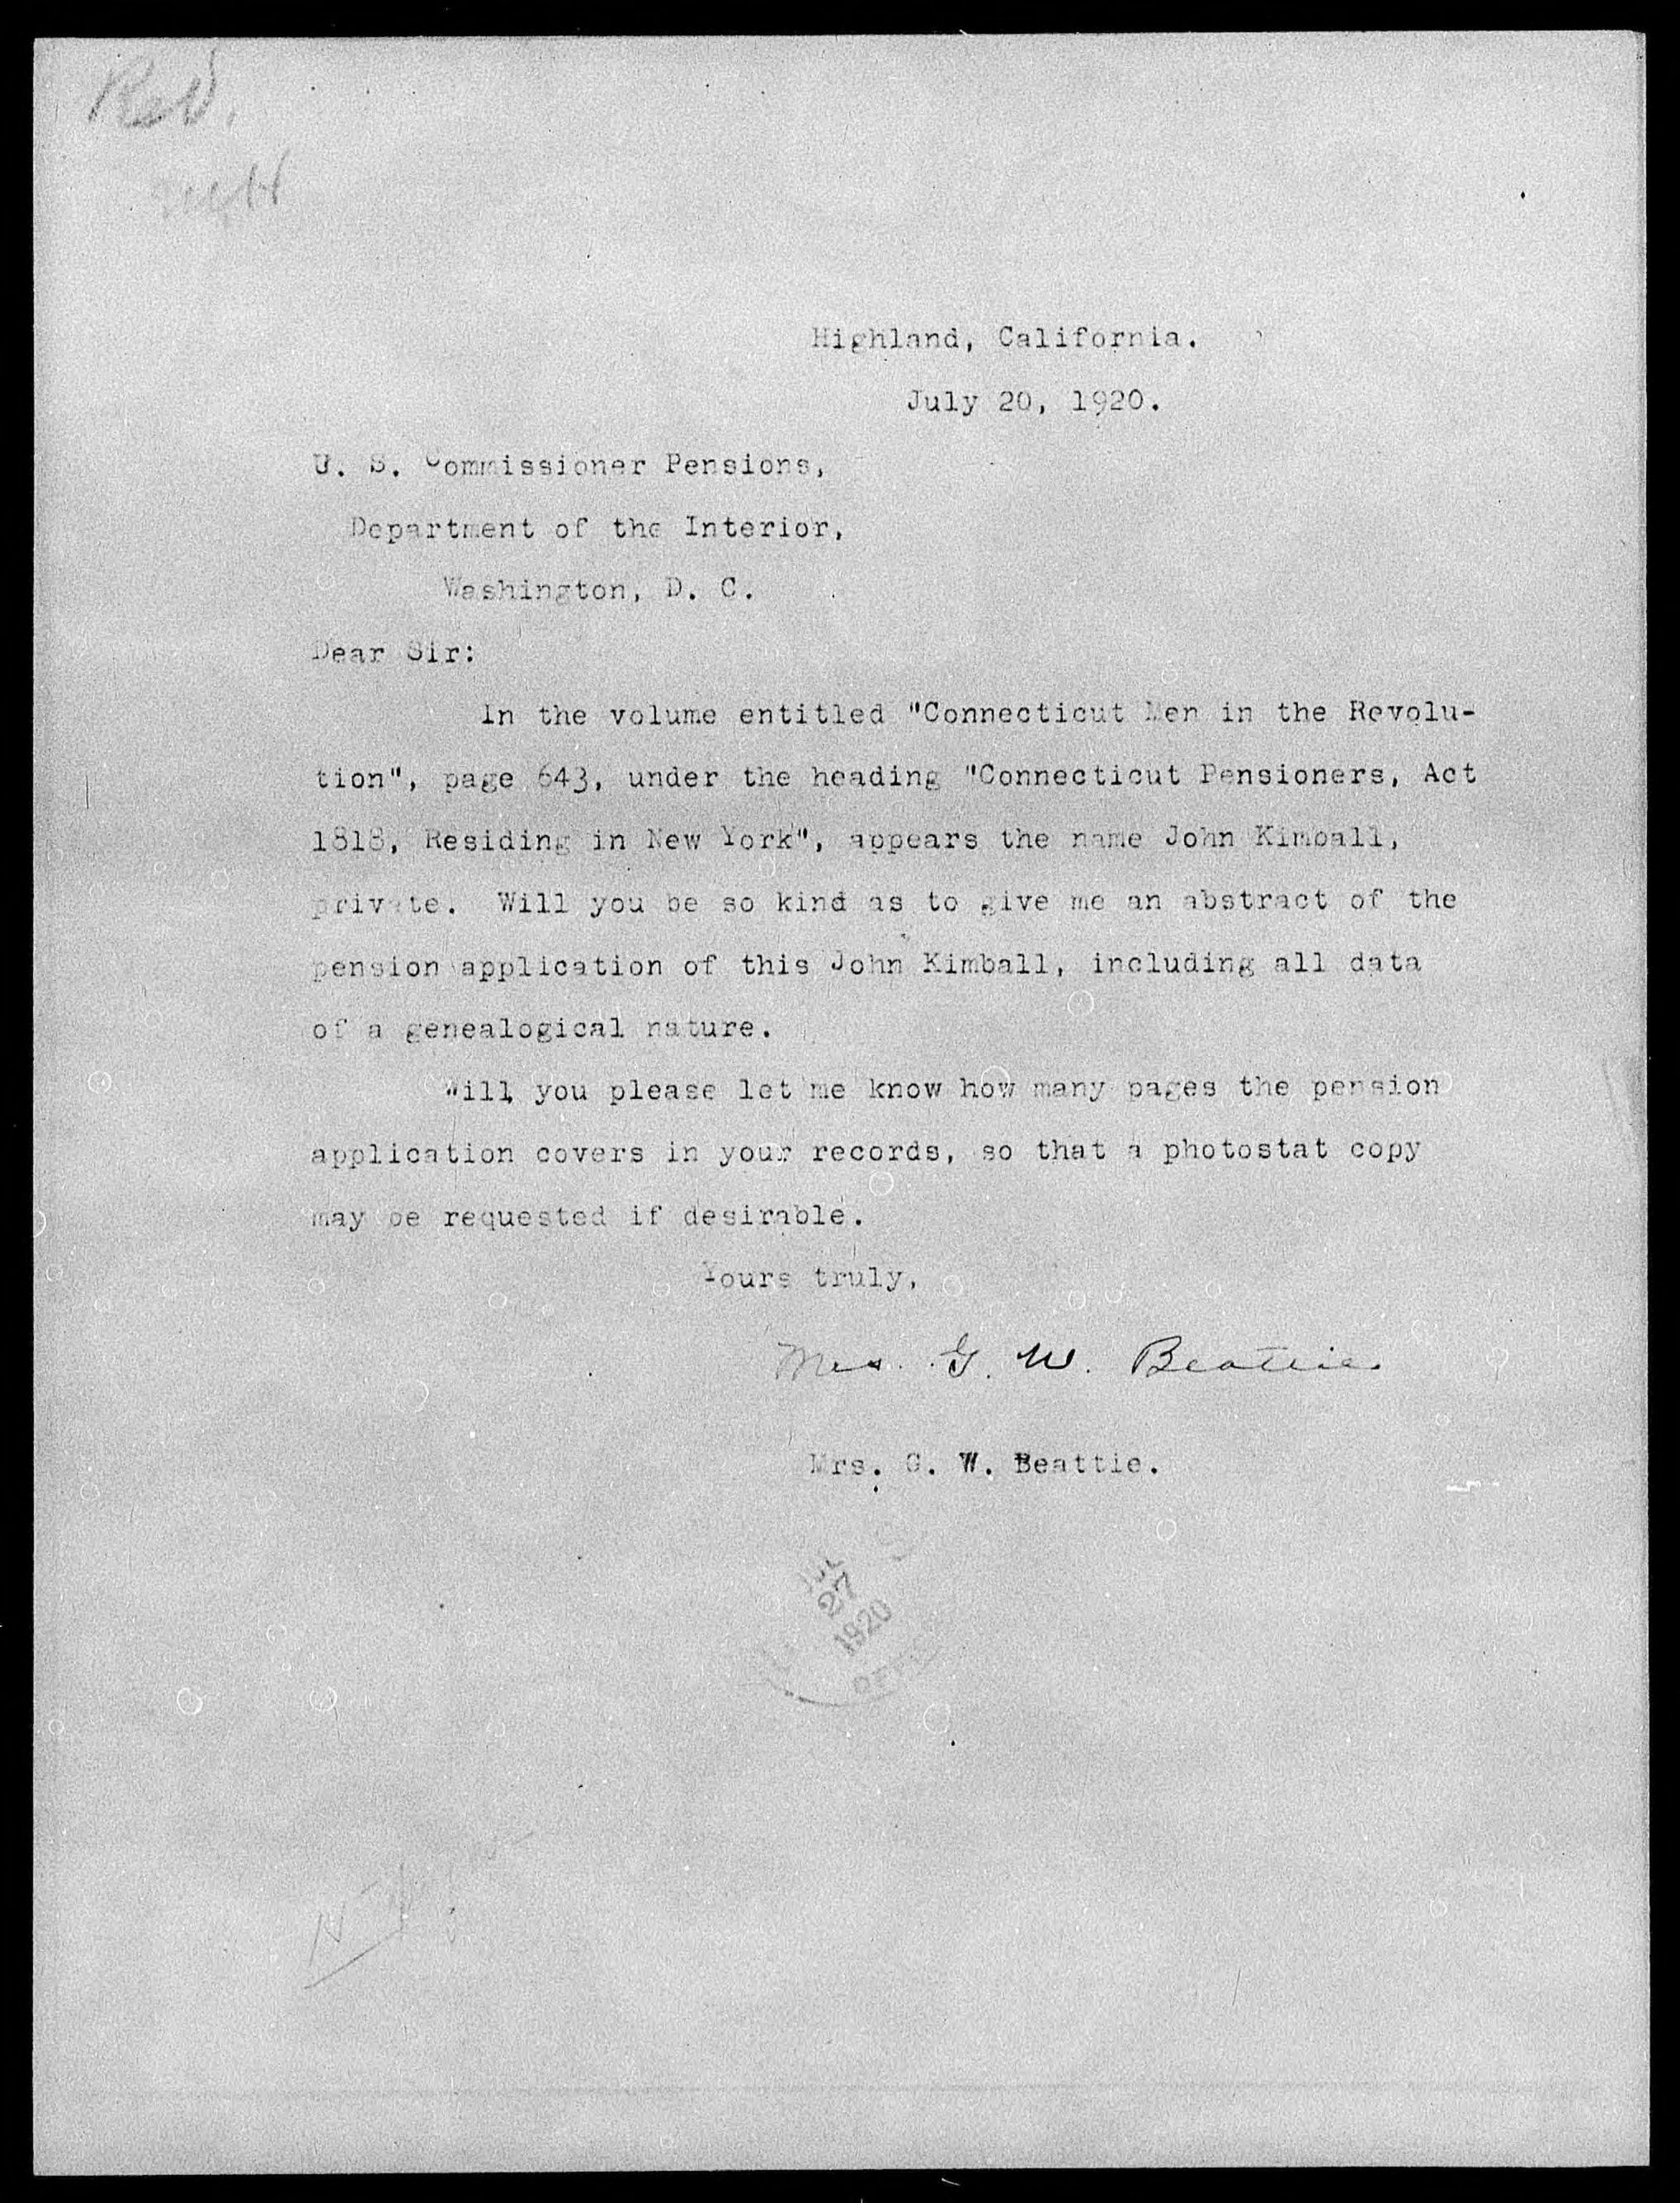[upper left corner] Rev. MH

Highland, California.
July 20, 1920.

U. S. Commissioner Pensions,
Department of the Interior,
Washington, D. C. 

Dear Sir:

In the volume entitled "Connecticut Men in the Revolution", page 643, under the heading "Connecticut Pensioners, Act 1818, Residing in New York", appears the name John Kimball, private. Will you be so kind as to give me an abstract of the pension application of this John Kimball, including all data of a genealogical nature.
Will you please let me know how many pages the pension application covers in your records, so that a photostat copy may be requested if desirable.
Yours truly,
Mrs. G. W. Beattie [signature]
Mrs. G. W. Beattie.

[circle stamp] U. S. Pension Office July 27 1920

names: John Kimball; G W Beattie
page: 29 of 36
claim: survivor's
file: S. 42,792, for John Kimball, Connecticut